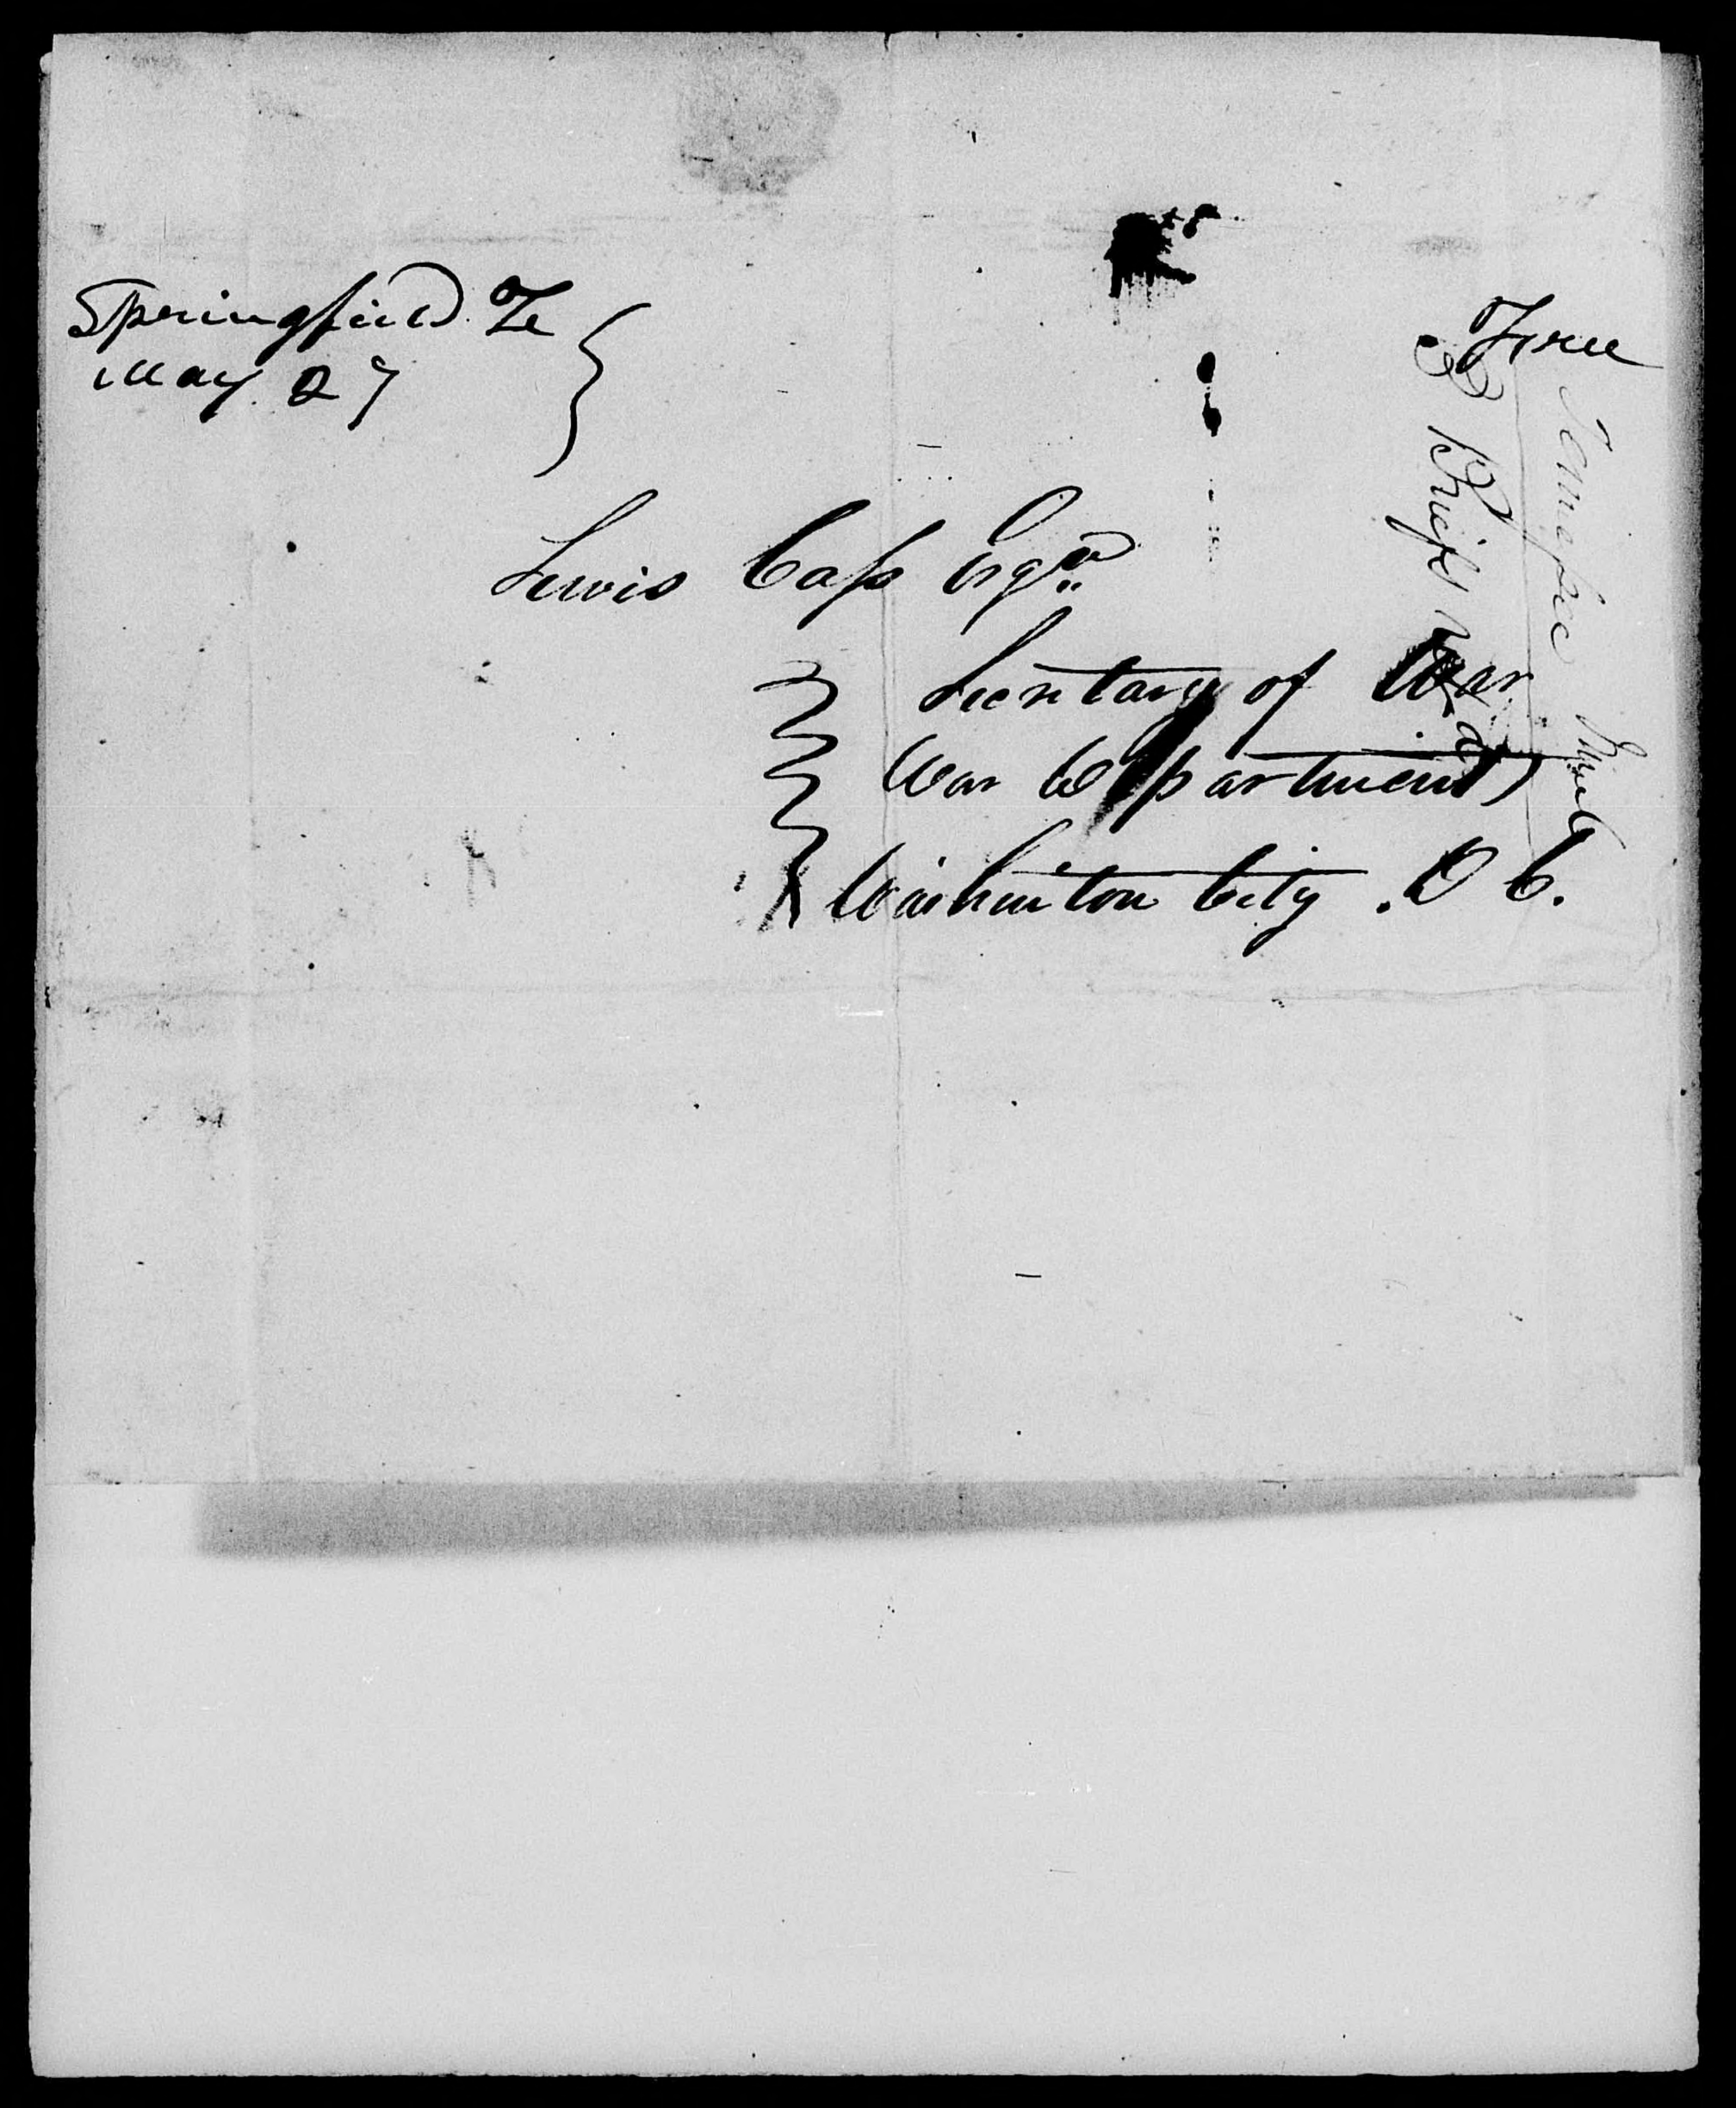Springfield Te} Free
May 27

Lewis Cass Esqr
Secretary of War
War Department
Washington City D.C.

Tennessee Mail
Briefs retd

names: Lewis Cass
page: 23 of 47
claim: survivor's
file: S. 3,322, William Edwards, Va.